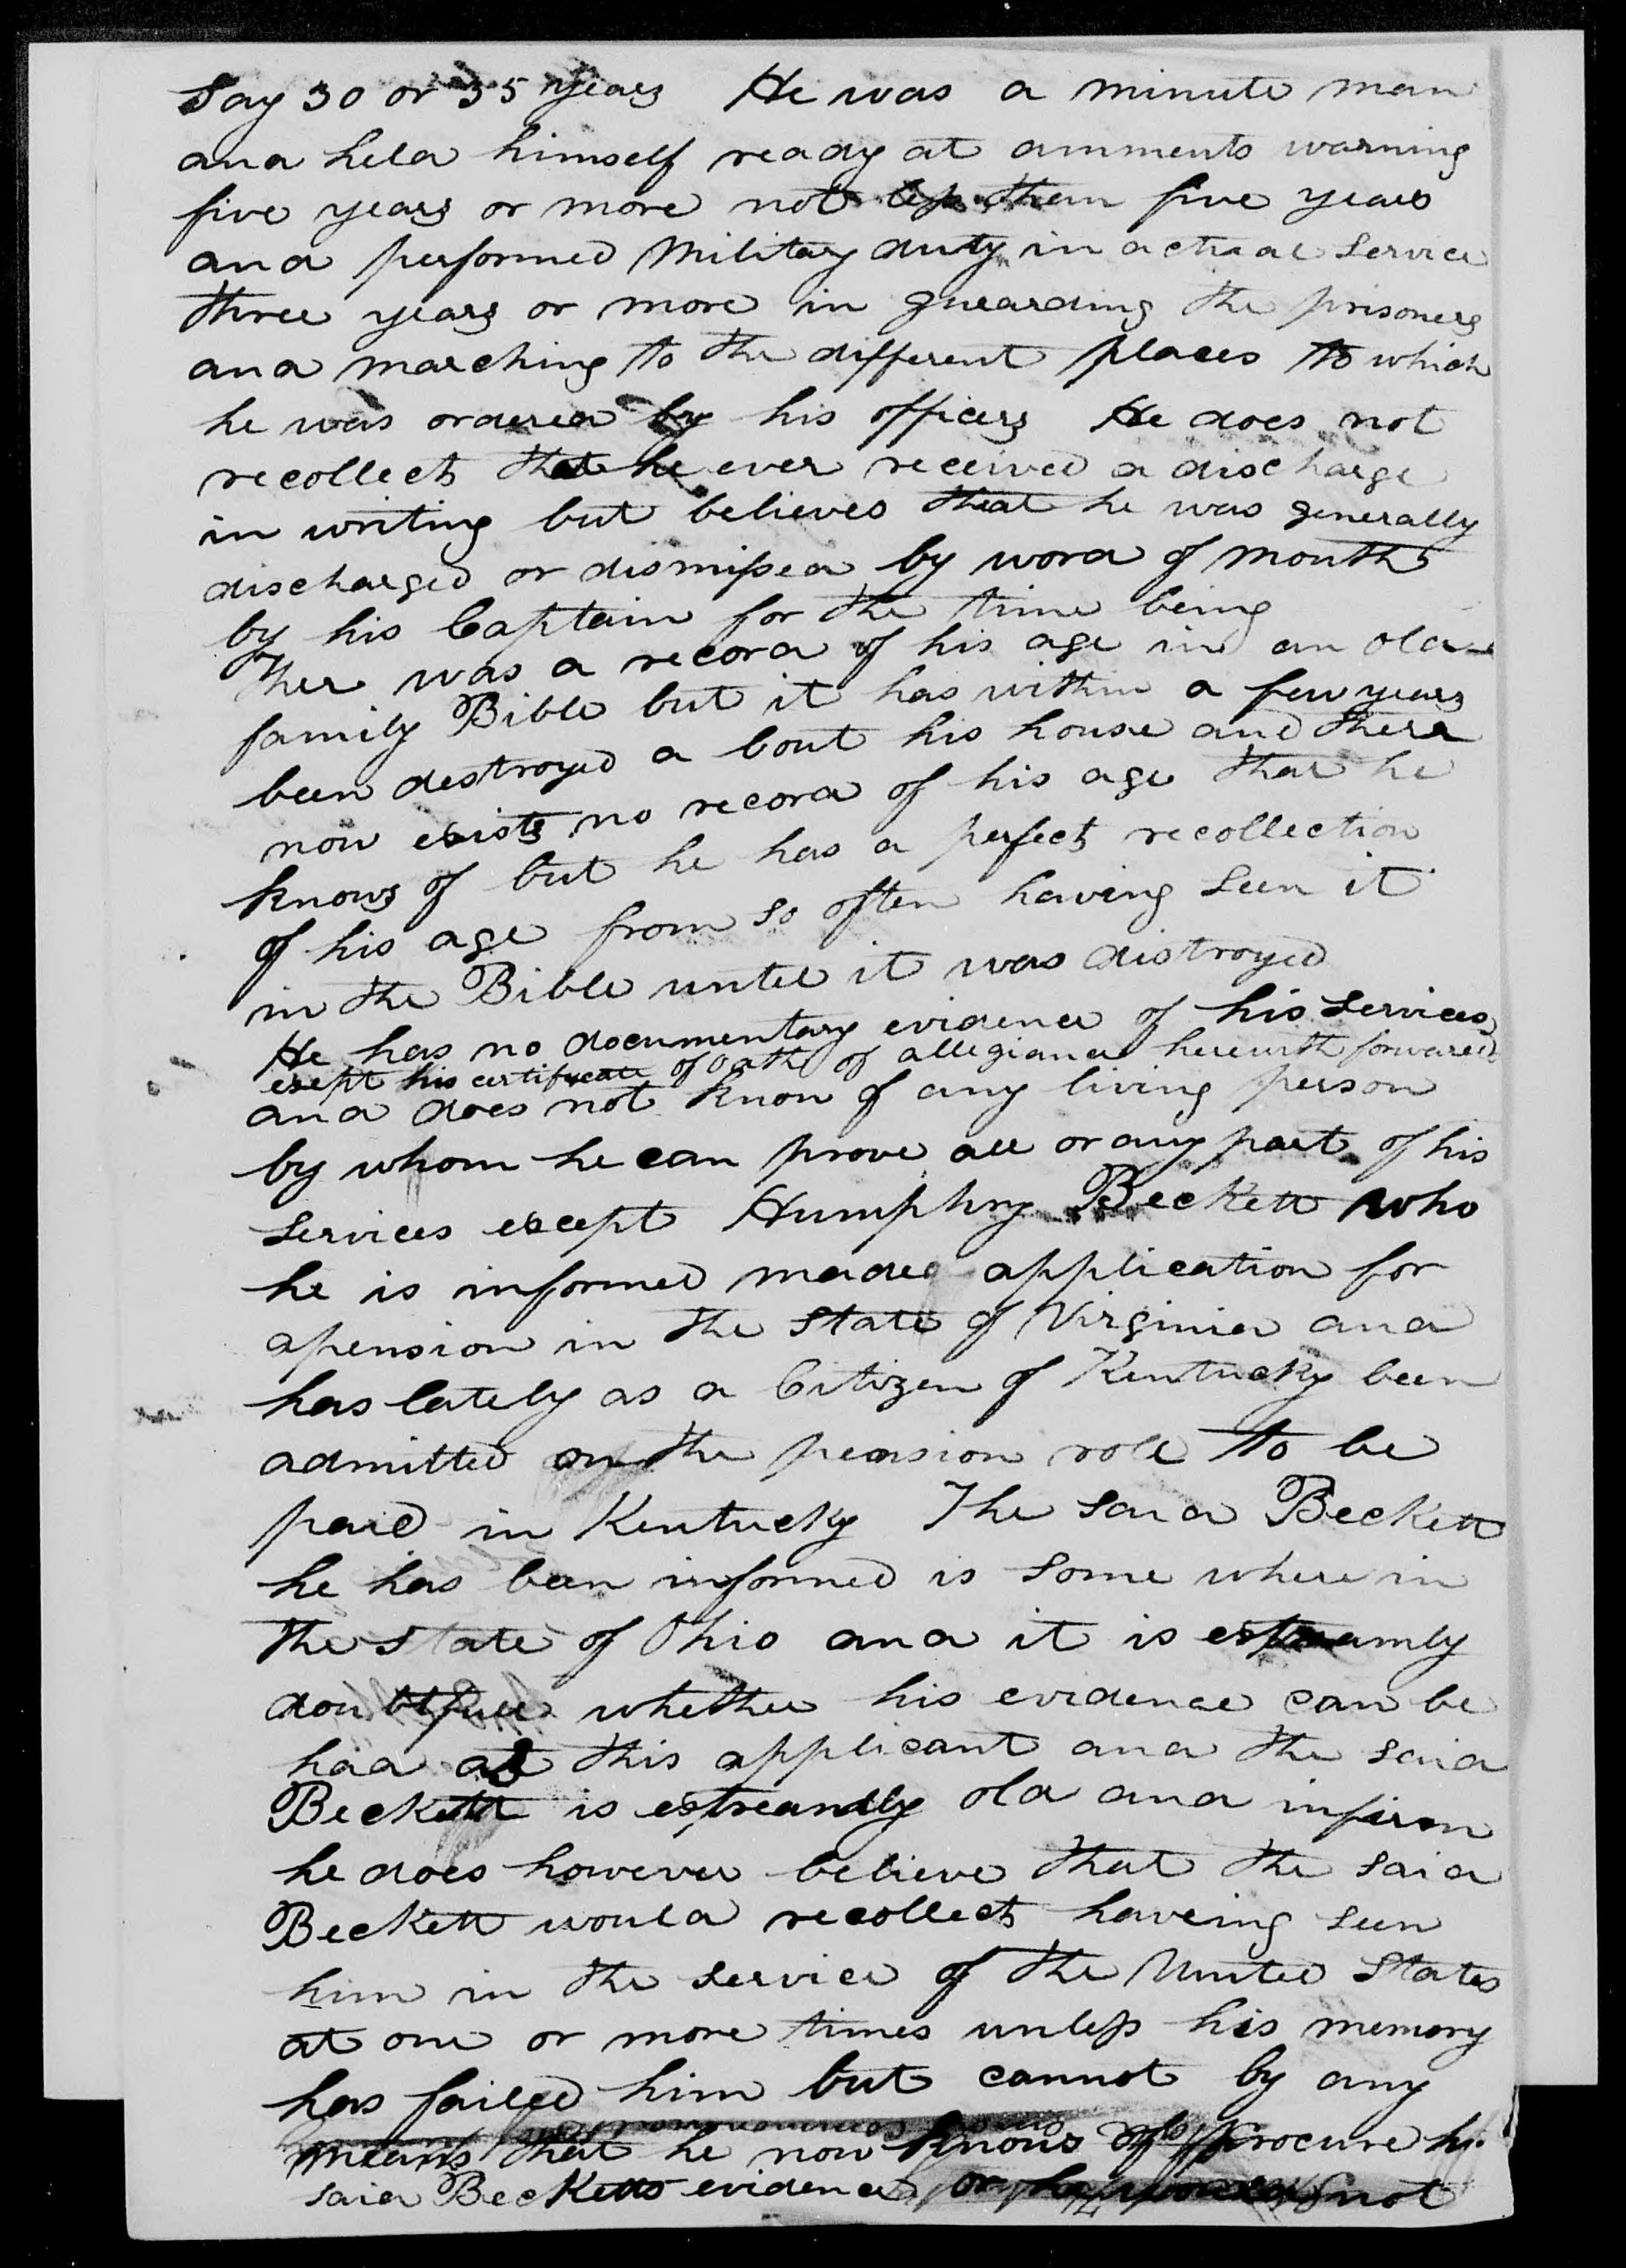say 30 or 35 years
He was a minute man
and held himself ready at amments[a minute's?] warning
five years or more not less than five years
and performed Military duty in actual service
three years or more in guarding the prisoners
and marching to the different places to which
he was ordered by his officers He does not
recollect that he ever received a discharge
in writing but believes that he was generally
discharged or dismissed by word of month
by his Captain for the time being
There was a record of his age in an old
family Bible but it has within a few years
been destroyed a bout his house and there
now exists no record of his age that he
knows of but he has a perfect recollection
of his age from so often having seen it
in the Bible until it was destroyed
He has no documentary evidence of his services
except his certificate of oath of allegiance herewith forwarded
and does not know of any living person
by whom he can prove all or any part of his
Services except Humphry Beckett who
he is informed made application for
pension in the State of Virginia and
has lately as a Citizen of Kentucky been
admitted on the pension roll to be
paid in Kentucky The said Beckett
he has been informed is some where in
the State of Ohio and it is extreemly
doubtful whether his evidence can be
had as this applicant and the said
Beckett is estreemly old and infirm
he does however believe that the said
Beckett would recollect having seen
him in the service of the United States
at one or more times unless his memory
has failed him but cannot by any
means^[illegible]   that he now knows of procure the
said Becketts evidence or [illegible]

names: Humphry Beckett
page: 6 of 34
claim: survivor's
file: S. 30608, for Gabrel Mullins, Virginia